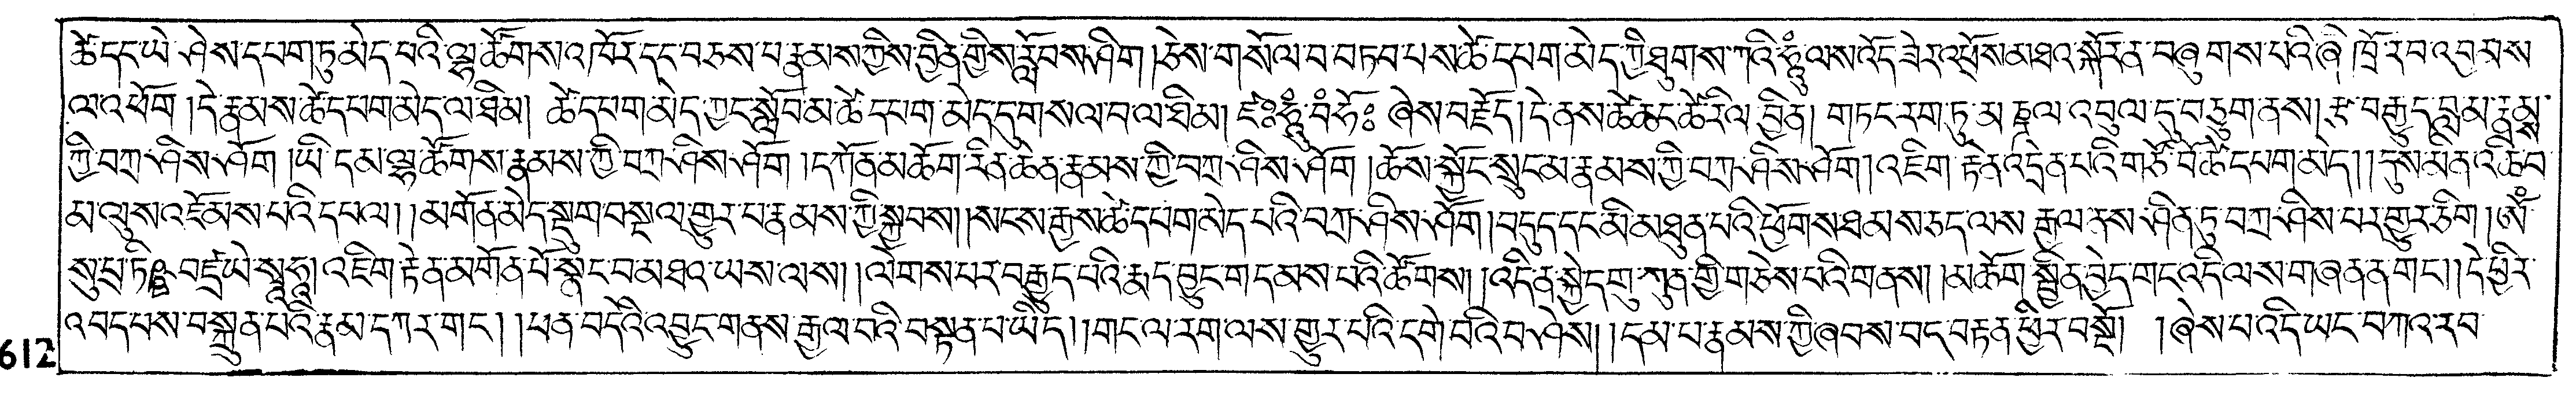ཚེ་དང་ཡེ་ཤེས་དཔག་ཏུ་མེད་པའི་ལྷ་ཚོགས་འཁོར་དང་བཅས་པ་རྣམས་ཀྱིས་བྱིན་གྱིས་རློབས་ཤིག །ཅེས་གསོལ་བ་བཏབ་པས་ཚེ་དཔག་མེད་ཀྱི་ཐུགས་ཀའི་ཧཱུཾ་ལས་འོད་ཟེར་འཕྲོས་མཐའ་སྐོར་ན་བཞུགས་པའི་ཞི་ཁྲོ་རབ་འབྱམས་
ལ་འཕོག །དེ་རྣམས་ཚེ་དཔག་མེད་ལ་ཐིམ། ཚེ་དཔག་མེད་ཀྱང་སློབ་མ་ཚེ་དཔག་མེད་དུ་གསལ་བ་ལ་ཐིམ། ཛཿ ཧཱུཾ་བཾ་ཧོཿ ཞེས་བརྗོད། དེ་ནས་ཚེ་ཆང་ཚེ་རིལ་བྱིན། གཏང་རག་ཏུ་མཎྜལ་འབུལ་དུ་བཅུག་ནས། རྩ་བརྒྱུད་བླ་མ་རྣམས་
ཀྱི་བཀྲ་ཤིས་ཤོག །ཡི་དམ་ལྷ་ཚོགས་རྣམས་ཀྱི་བཀྲ་ཤིས་ཤོག །དཀོན་མཆོག་རིན་ཆེན་རྣམས་ཀྱི་བཀྲ་ཤིས་ཤོག །ཆོས་སྐྱོང་སྲུང་མ་རྣམས་ཀྱི་བཀྲ་ཤིས་ཤོག །འཇིག་རྟེན་འདྲེན་པའི་གཙོ་བོ་ཚེ་དཔག་མེད། །དུས་མིན་འཆི་བ་
མ་ལུས་འཇོམས་པའི་དཔལ། །མགོན་མེད་སྡུག་བསྔལ་གྱུར་པ་རྣམས་ཀྱི་སྐྱབས། །སངས་རྒྱས་ཚེ་དཔག་མེད་པའི་བཀྲ་ཤིས་ཤོག །བདུད་དང་མི་མཐུན་པའི་ཕྱོགས་ཐམས་ཅད་ལས་རྒྱལ་ནས་ཤིན་ཏུ་བཀྲ་ཤིས་པར་གྱུར་ཅིག །ཨོཾ་
སུ་པྲ་ཏིཥཊཿཨ་བཛྲ་ཡེ་སྭཱ་ཧཱ། འཇིག་རྟེན་མགོན་པོ་སྣང་བ་མཐའ་ཡས་ལས། །ལེགས་པར་བརྒྱུད་པའི་རྨད་བྱུང་གདམས་པའི་ཚོགས། །འདི་ན་སྐྱེ་དགུ་ཀུན་གྱི་གཅེས་པའི་གནས། །མཆོག་སྦྱིན་བྱེད་གང་འདི་ལས་གཞན་ན་གང་། །དེ་ཕྱིར་
འབད་པས་བསྐྲུན་པའི་རྣམ་དཀར་གང་། །ཕན་བདེའི་འབྱུང་གནས་རྒྱལ་བའི་བསྟན་པ་ཡིད། །གང་ལ་རག་ལས་གྱུར་པའི་དགེ་བའི་བཤེས། །དམ་པ་རྣམས་ཀྱི་ཞབས་བད་བརྟན་ཕྱིར་བསྔོ། །ཞེས་པ་འདི་ཡང་བཀའ་རབ་